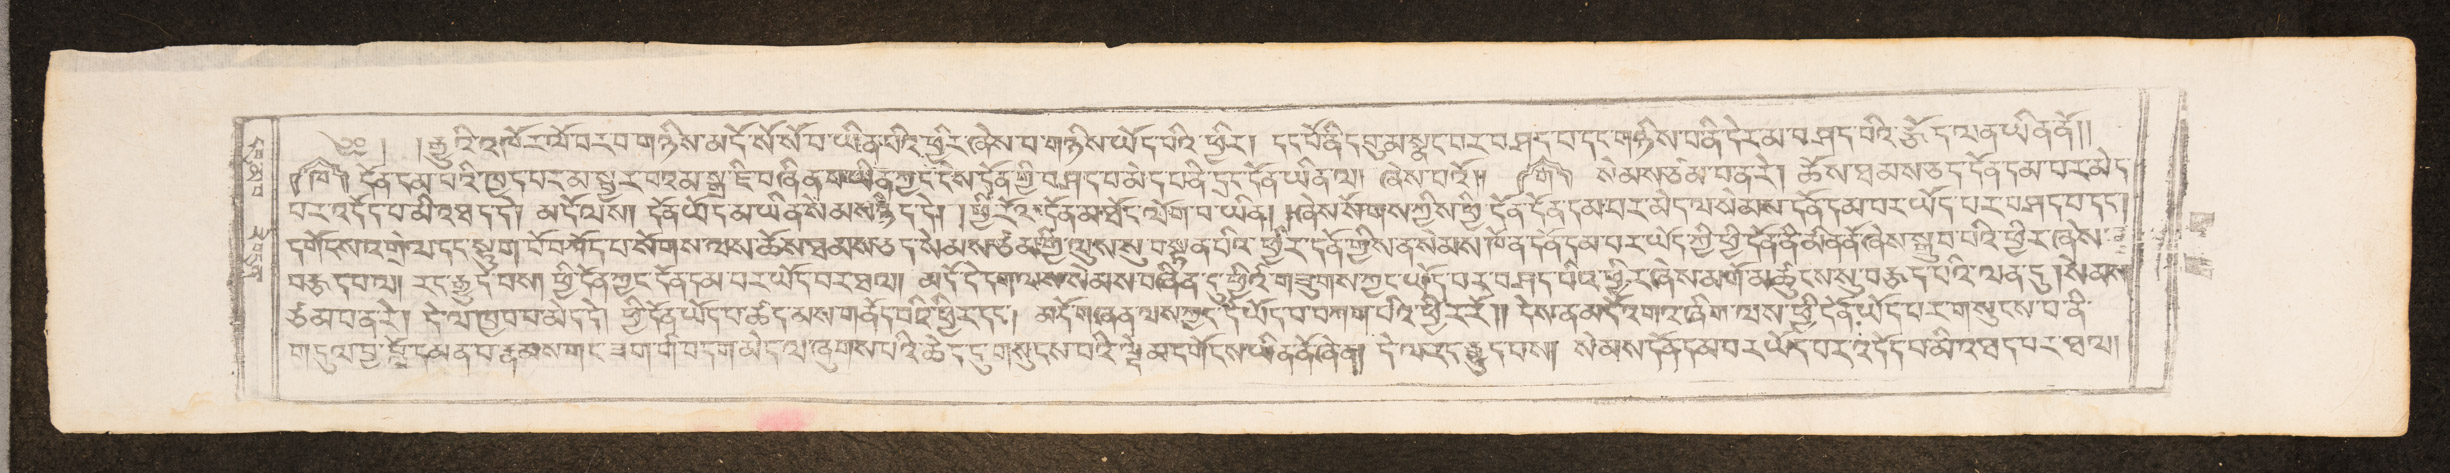༄༅། །རྒྱུའི་འཁོར་ལོ་བར་བ་གཉིས་མདོ་སོ་སོ་བ་ཡིན་པའི་ཕྱིར་ཞེས་པ་གཉིས་ཡོད་པའི་ཕྱིར། དང་པོ་ནི་དབུ་མ་སྣང་བར་བཤད་པ་དང་གཉིས་པ་ནི་དེར་མ་བཤད་པའི་རྩོད་ལན་ཡིན་ནོ། །
༼༽ཁ༼༽ དོན་དམ་པའི་ཁྱད་པར་མ་སྦྱར་བའམ་སྒྲ་ཇི་བཞིན་པ་ཡིན་ཀྱང་ངེས་དོན་གྱི་བཤད་པ་མེད་པ་ནི་དྲང་དོན་ཡིན་ལ། ཞེས་པའོ། །༼༽ག༼༽ སེམས་ཙམ་པ་ན་རེ། ཆོས་ཐམས་ཅད་དོན་དམ་པར་མེད་
པར་འདོད་པ་མི་འཐད་དེ། མདོ་ལས། དོན་ཡོད་མ་ཡིན་སེམས་ཉིད་དེ་། །ཕྱི་རོལ་དོན་མཐོང་ལོག་པ་ཡིན། །ཞེས་སོགས་ཀྱིས་ཕྱི་དོན་དམ་པར་མེད་ལ་སེམས་དོན་དམ་པར་ཡོད་པར་བཤད་པ་དང་།
དགོངས་འགྲེལ་དང་སྟུག་པོ་བཀོད་པ་སོགས་ལས་ཆོས་ཐམས་ཅད་སེམས་ཙམ་གྱི་ལུས་སུ་བསྟན་པའི་ཕྱིར་དོན་གྱིས་ན་སེམས་ཁོ་ན་དོན་དམ་པར་ཡོད་ཀྱི་ཕྱི་དོན་ནི་མིན་ནོ་ཞེས་སྒྲུབ་པའི་ཕྱིར་ཞེས་
བརྩད་པ་ལ། རང་རྒྱུད་པས། ཕྱི་དོན་ཀྱང་དོན་དམ་པར་ཡོད་པར་ཡོད་ཐལ། མདོ་དེ་དག་ལས་སེམས་བཞིན་དུ་ཕྱིའི་གཟུགས་ཀྱང་ཡོད་པར་བཤད་པའི་ཕྱིར་ཞེས་མགོ་མཚུངས་སུ་བརྩད་པའི་ལན་དུ། སེམས་
ཙམ་པ་ན་རེ། དེ་ལ་ཁྱབ་པ་མེད་དེ། ཕྱིར་དོན་ཡོད་པ་ཚད་མས་གནོད་པའི་ཕྱིར་དང་། མདོ་གཞན་ལས་ཀྱང་དེ་ཡོད་པ་བཀག་པའི་ཕྱིར་རོ། །དེས་ན་མདོ་འགའ་ཞིག་ལས་ཕྱི་དོན་ཡོད་པར་གསུངས་པ་ནི་
གདུལ་བྱ་བློ་དམན་པ་རྣམས་གང་ཟག་གི་བདག་མེད་ལ་ཞུགས་པའི་ཆེད་དུ་གསུངས་པའི་ལྡེ་མ་དགོངས་ཡིན་ནོ་ཞེ་ན། དེ་ལ་རང་རྒྱུད་པས། སེམས་དོན་དམ་པར་ཡོད་པར་འདོད་པ་མི་འཐད་པར་ཐལ།